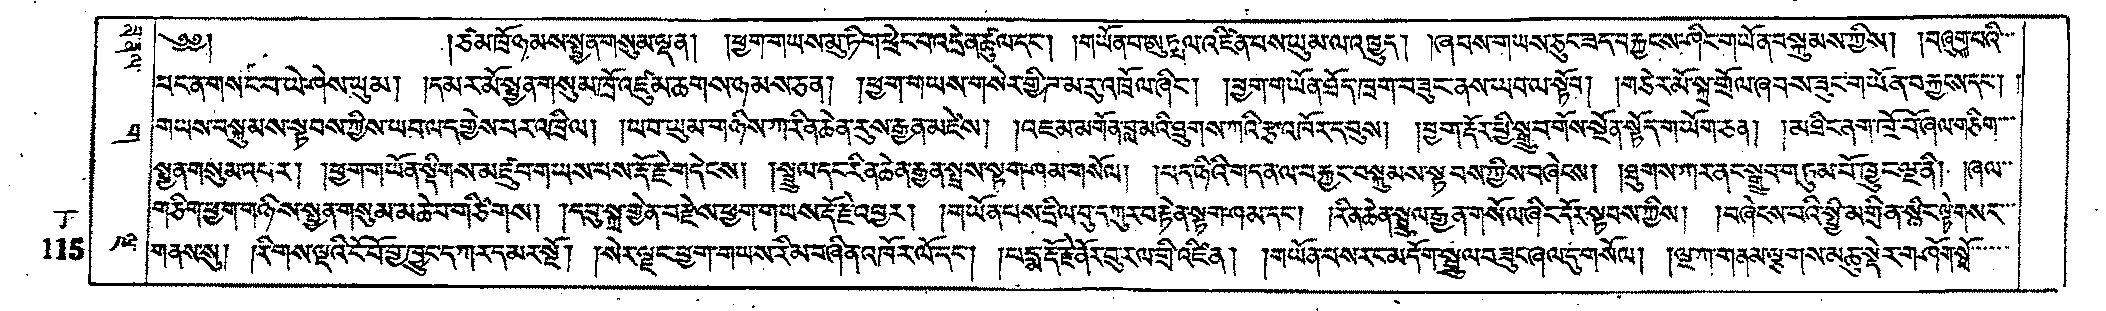༄༅། །ཙམ་ཁྲོ་ཉམས་སྤྱན་གསུམ་ལྡན། །ཕྱག་གཡས་མུ་ཏིག་ཕྲེང་བ་འདྲེན་ཚུལ་དང་། །གཡོན་པ་ཨུཏྤལ་འཛིན་པས་ཡུམ་ལ་འཁྱུད། །ཞབས་གཡས་ཅུང་ཟད་བརྐྱངས་ཤིང་གཡོན་བསྐུམས་ཀྱིས། །བཞུགས་པའི་་་
པང་ན་གསང་བ་ཡེ་ཤེས་ཡུམ། །དམར་མོ་སྤྱན་གསུམ་ཁྲོ་འཛུམ་ཆགས་ཉམས་ཅན། །ཕྱག་གཡས་གསེར་གྱི་ཌ་མ་རུ་འཁྲོལ་ཞིང་། །ཕྱག་གཡོན་ཐོད་ཁྲག་བཟུང་ནས་ཡབ་ལ་སྟོབ། །གཅེར་མོ་སྐྲ་གྲོལ་ཞབས་ཟུང་གཡོན་བརྐྱངས་དང་། །
གཡས་བསྐུམས་སྟབས་ཀྱིས་ཡབ་ལ་དགྱེས་པར་འཁྲིལ། །ཡབ་ཡུམ་གཉིས་ཀ་རིན་ཆེན་རུས་རྒྱན་མཛེས། །འཇམ་མགོན་བླ་མའི་ཐུགས་ཀའི་རྩ་འཁོར་དབུས། །ཕྱག་རྡོར་ཕྱི་སྒྲུབ་གོས་སྔོན་སྟོད་གཡོག་ཅན། །མཐིང་ནག་ཁྲོ་བོ་ཞལ་གཅིག་་་
སྤྱན་གསུམ་འབར། །ཕྱག་གཡོན་སྡིགས་མཛུབ་གཡས་པས་རྡོ་རྗེ་གདེངས། །སྦྲུལ་དང་རིན་ཆེན་རྒྱན་སྤྲས་སྟག་ཤམ་གསོལ། །པད་ཉིའི་གདན་ལ་བརྐྱང་བསྐུམས་སྟབས་ཀྱིས་བཞེངས། །ཐུགས་ཀར་ནང་སྒྲུབ་གཏུམ་པོ་ཁྱུང་ལྔ་ནི། །ཞལ་་་
གཅིག་ཕྱག་གཉིས་སྤྱན་གསུམ་མཆེ་བ་གཙིགས། །དབུ་སྐྲ་གྱེན་བརྫེས་ཕྱག་གཡས་རྡོ་རྗེ་འཕྱར། །གཡོན་པས་དྲིལ་བུ་དཀུར་བརྟེན་སྟག་ཤམ་དང་། །རིན་ཆེན་སྦྲུལ་རྒྱན་གསོལ་ཞིང་དོར་སྟབས་ཀྱིས། །བཞེངས་པའི་སྤྱི་མགྲིན་སྙིང་ལྟེ་གསང་་་
གནས་སུ། །རིགས་ལྔའི་ངོ་བོ་བྱ་ཁྱུང་དཀར་དམར་སྔོ། །སེར་ལྗང་ཕྱག་གཡས་རིམ་བཞིན་འཁོར་ལོ་དང་། །པདམ་རྡོ་རྗེ་ནོར་བུ་རལ་གྲི་འཛིན། །གཡོན་པས་རང་མདོག་སྦྲུལ་བཟུང་ཞལ་དུ་གསོལ། །ལྔ་ཀ་གནམ་ལྕགས་མཆུ་སྡེར་གཤོག་སྒྲོ་་་